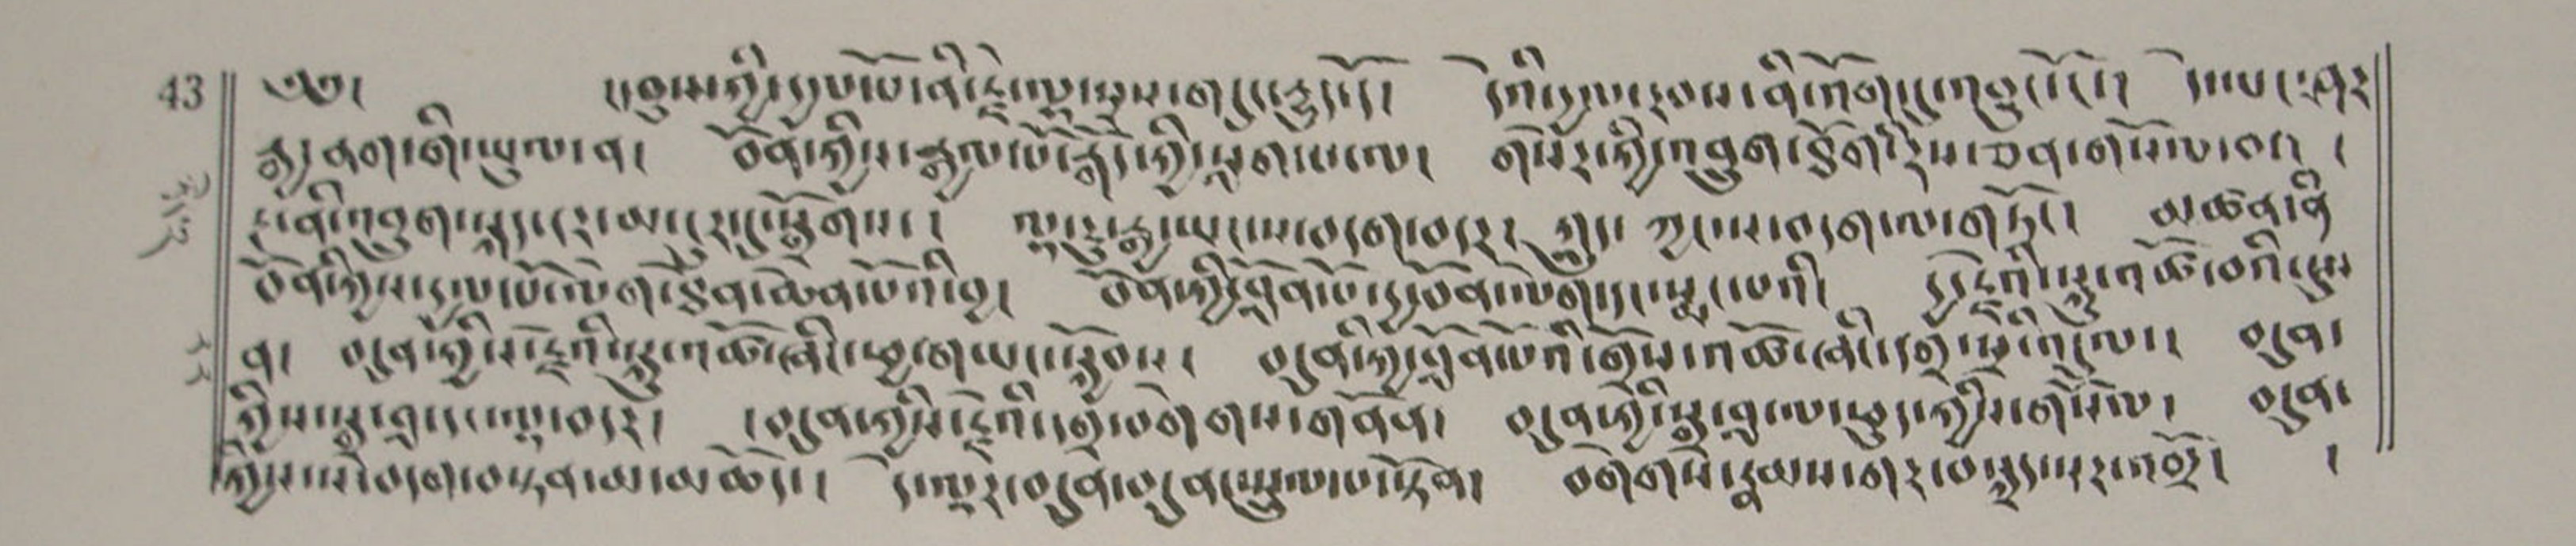༄༅། །དབུས་ཀྱི་རྒྱལ་པོ་ནི་རྗེ་ལྷ་སྲས་ཀྱི་གདུང་རྒྱུད་དོ། །དེའི་རྒྱལ་རབས་ནི་འོག་ནས་འབྱུང་ངོ་། །དེ་ཡང་ཤར་
རྒྱ་ནག་གི་ཡུལ་ན། བོན་གྱི་རྒྱལ་བོ་ནི་རྒོད་ཀྱི་སླག་པ་ལ། གསེར་གྱི་འབྲུག་ཐོག་རིས་ཅན་གསོལ་བ། 
རྔ་ནི་འབྲུག་སྐད་ངར་མ་ངུར་དུ་སྒྲོགས། ལྷ་རུ་རྒྱ་ཡང་ས་བདག་བདར། གླུད་ཀྱང་ས་བདག་ལ་གཏོང་། མཚན་ནི་
བོན་གྱི་རྒྱལ་བོ་ལེག་ཐེན་ཆེན་པོས་བྱ། བོན་གྱི་བློན་པོ་རྒྱ་བོན་ལེགས་དང་རྨང་བའི། །རྒྱ་རྗེའི་སྐུ་འཚོ་བའི་དུས་
ན། བདུན་གྱིས་རྗེའི་སྐུ་འཚོ་ཞིང་ཕྱ་གཡང་སྐྱོབས། བདུན་གྱིས་བློན་པོའི་གྲོལ་འཚོ་ཞིང་དགྲ་སྲི་འདུལ། བདུན་
གྱིས་སྒྲ་བླ་དང་ལྷ་བདར། བདུན་གྱིས་རྗེའི་དགྲ་བགེགས་གནོན། བདུན་གྱིས་སྒྲ་བླ་ལ་ཕུད་ཀྱིས་གསོལ། བདུན་
གྱིས་ས་བདག་བསྟན་མ་མཆོད། དེ་ལྟར་བདུན་བདུན་སྤྲུལ་བ་སྟོན། བགེགས་རྣམས་གར་བསྐྲད་པར་འགྲོ།